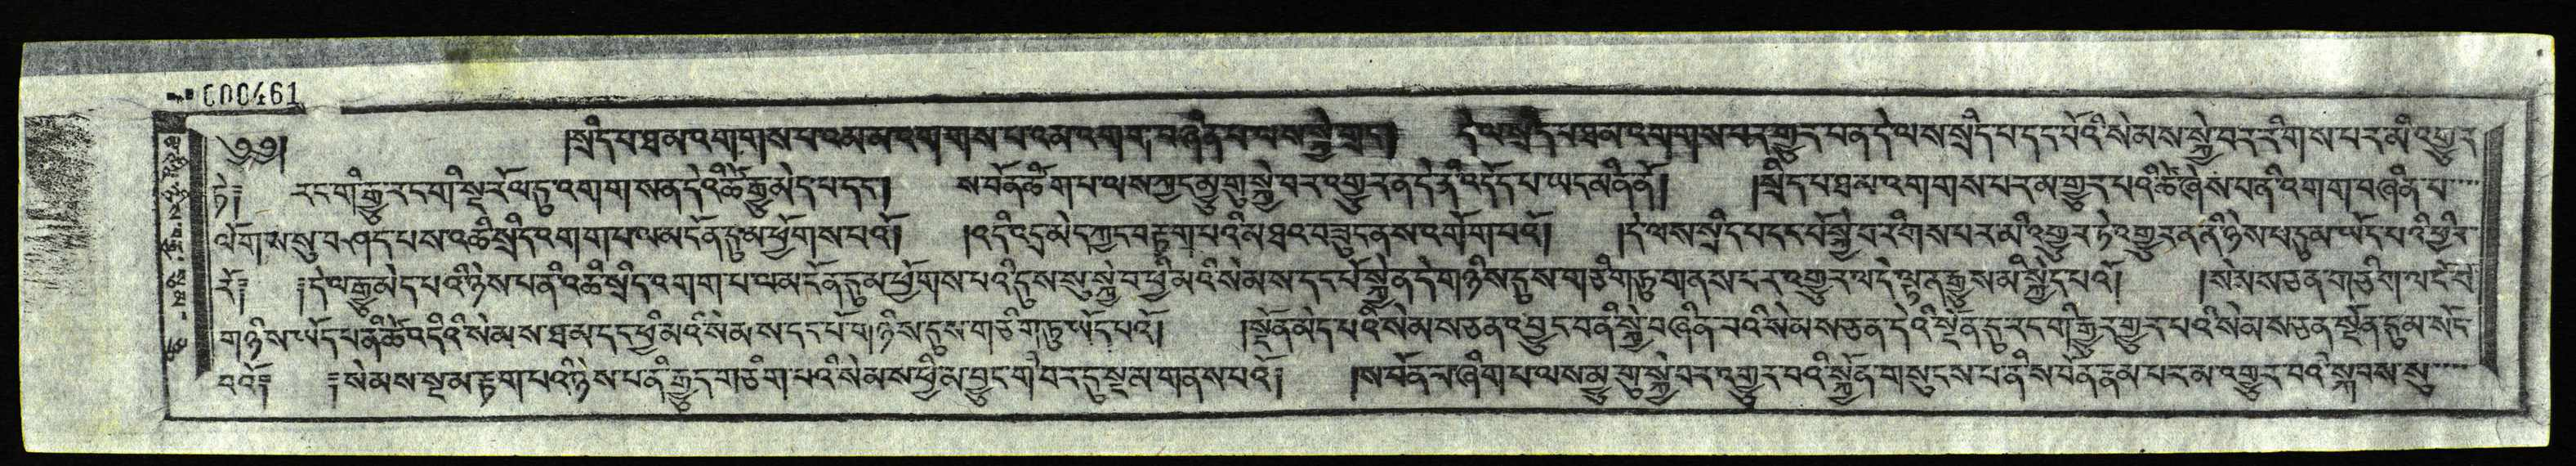༄༅། །སྲིད་པ་ཐ་མ་འགགས་པ་འམ་མ་འགགས་པ་འམ་འགག་བཞིན་པ་ལས་སྐྱེ་གྲང་། དེ་ལ་སྲིད་པ་ཐ་མ་འགགས་པར་གྱུར་པ་ན་དེ་ལས་སྲིད་པ་དང་པོའི་སེམས་སྐྱེ་བར་རིགས་པར་མི་འགྱུར་
ཏེ༑ རང་གི་རྒྱུ་རང་གི་སྔ་རོལ་དུ་འགགས་ན་དེའི་ཚེ་རྒྱུ་མེད་པ་དང་། ས་བོན་ཚིག་པ་ལས་ཀྱང་མྱུ་གུ་སྐྱེ་བར་འགྱུར་ན་དེ་ནི་འདོད་པ་ཡང་མིན་ནོ། །སྲིད་པ་ཐ་མ་འགགས་པར་མ་གྱུར་པའི་ཚེ་ཞེས་པ་ནི་འགག་བཞིན་པ་
ལོགས་སུ་བཤད་པས་འཆི་སྲིད་འགག་པ་ལ་མངོན་དུ་མ་ཕྱོགས་པའོ། །འདི་འདྲ་མེད་ཀྱང་བརྟག་པའི་མཐའ་བཟུང་ནས་འགོག་པའོ། །དེ་ལས་སྲིད་པ་དང་པོ་སྐྱེ་བ་རིགས་པར་མི་འགྱུར་ཏེ་འགྱུར་ན་ནི་ཉེས་པ་དུ་མ་ཡོད་པའི་ཕྱིར་
རོ༑ ༑དེ་ལ་རྒྱུ་མེད་པའི་ཉེས་པ་ནི་འཆི་སྲིད་འགག་པ་ལ་མངོན་དུ་མ་ཕྱོགས་པའི་དུས་སུ་སྐྱེ་བ་ཕྱི་མའི་སེམས་དང་པོ་སྐྱེ་ན་དེ་གཉིས་དུས་གཅིག་ཏུ་གནས་པར་འགྱུར་ལ་དེ་ལྟ་ན་རྒྱུས་མི་སྐྱེད་པའོ། །སེམས་ཅན་གཅིག་ལ་ངོ་བོ་
གཉིས་ཡོད་པ་ནི་ཚེ་འདིའི་སེམས་ཐ་མ་དང་ཕྱི་མའི་སེམས་དང་པོ་གཉིས་དུས་གཅིག་ཏུ་ཡོད་པའོ། །སྔོན་མེད་པའི་སེམས་ཅན་འབྱུང་བ་ནི་སྐྱེ་བཞིན་བའི་སེམས་ཅན་དེའི་སྔོན་དུ་རང་གི་རྒྱུར་གྱུར་པའི་སེམས་ཅན་སྔོན་དུ་མ་སོང་
བའོ༑ ༑སེམས་སྔ་མ་རྟག་པའི་ཉེས་པ་ནི་རྒྱུད་གཅིག་པའི་སེམས་ཕྱི་མ་བྱུང་གི་བར་དུ་སྔ་མ་གནས་པའོ། །ས་བོན་ལ་ཞིག་པ་ལས་མྱུ་གུ་སྐྱེ་བར་འགྱུར་བའི་སྐྱོན་གསུངས་པ་ནི་ས་བོན་རྣམ་པར་མ་འགྱུར་བའི་སྐབས་སུ་